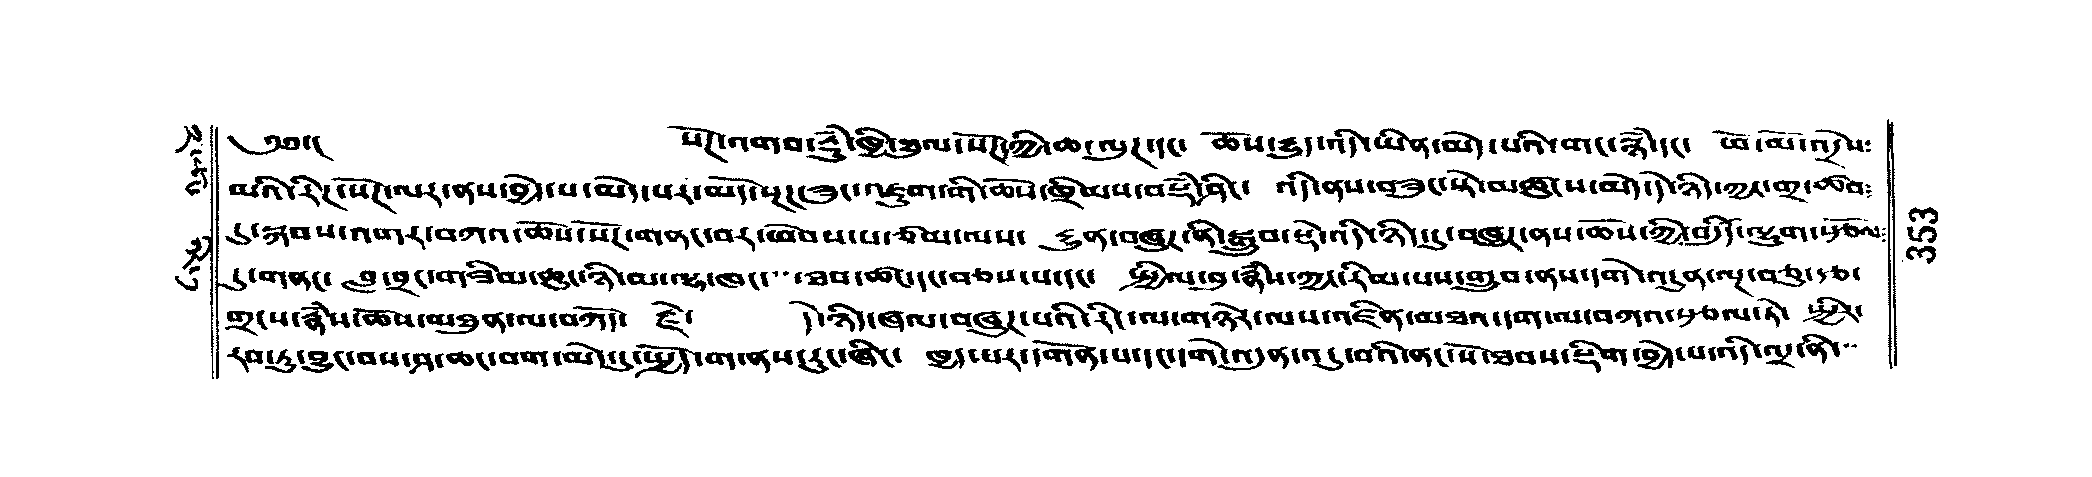སོག་འགབ་རྡུམ་ཁྱི་ཐུལ་སོགས་ཀྱི་ཆ་ལུགས་དང་། ཆོས་རྒྱུད་འདི་ཡིན་མེད་པའི་གང་སྙམ་དང་། ཕོ་མོ་འདྲེས་
མའི་རིགས་སོགས་ལར་ནས་བྱེད་པ་མེད་པར་མདོ་སྔགས་ཟུང་འཇུག་གི་ཆོས་ཁྲིམས་བསྡམ་ཤིང་། འདི་ནས་བཟུང་སྟེ་མཚུངས་མེད་དེ་ཉིད་ཀྱང་གྲྭ་ཚང་
དུ་སྐབས་འགར་བཀའ་ཆོས་སོགས་གནང་བར་ཕེབས་པ་ཙམ་ལས། རྒྱུན་བཞུགས་ནི་སྒྲུབ་སྡེ་འདི་ཉིད་དུ་བཞུགས་ནས་ཆོས་ཀྱི་བདུད་རྩི་ལྷུག་སྩོལ་
དུ་གནང་། བླ་བྲང་གཟིམ་ཆུང་ཉི་མ་ལྷ་ཁང་ཐབ་ཚང་དང་བཅས་པ་དང་། སྤྱིལ་བུ་རྣམས་ཀྱང་རིམ་པས་གྲུབ་ནས་དགེ་འདུན་ལྔ་བཅུ་རྩ་
གྲངས་རྣམས་ཆོས་མཐུན་ལ་བཀོད། རྗེ་དེ་ཉིད་ཞལ་བཞུགས་པའི་རིང་ལ་གཉེར་ལས་འཛིན་མཐའ་དག་ལ་བཀའ་སྩལ་ཏེ། སྤྱིར་
རབ་ཏུ་བྱུང་བས་ཤ་ཆང་བག་མེད་དུ་སྤྱོད་ག་ནས་རུང་ཞིང་། ཁྱད་པར་དགོན་པ་དང་དགེ་འདུན་འདུ་བའི་ནང་སོ་ཐབ་སྡིག་བྱེད་པ་འདི་འདྲ་ནི་